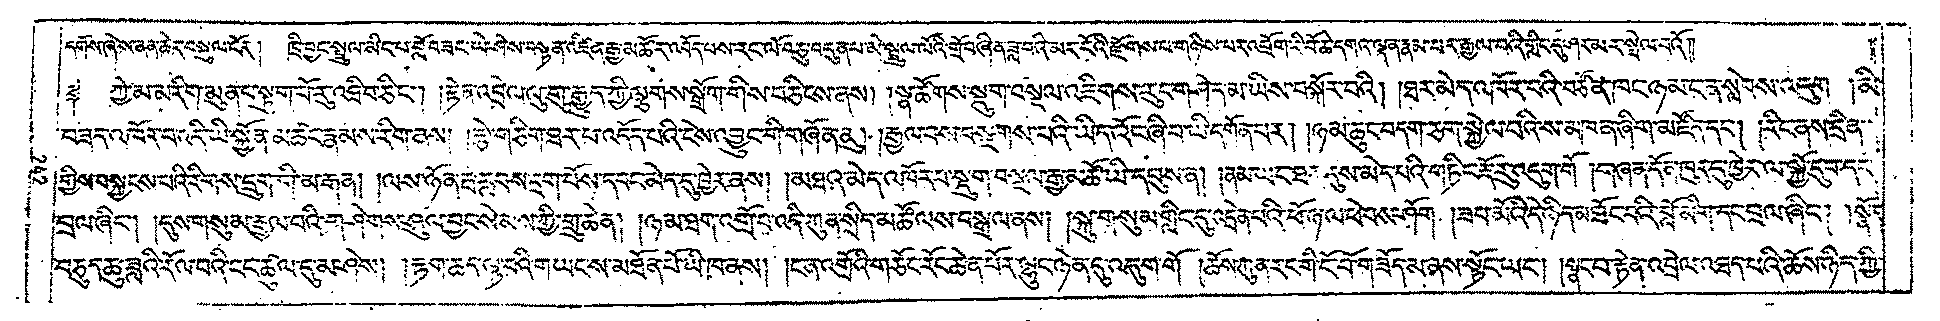དགོས་ཞེས་ནན་ཆེར་བསྐུལ་ངོར། ཁྲི་བྱང་སྤྲུལ་མིང་པ་བློ་བཟང་ཡེ་ཤེས་བསྟན་འཛིན་རྒྱ་མཚོར་འབོད་པས་རང་ལོ་བཅུ་བདུན་པ་མེ་སྦྲུལ་ལོའི་གྲོ་བཞིན་ཟླ་བའི་མར་ངོའི་རྫོགས་པ་གཉིས་པར་འབྲོག་རི་བོ་ཆེ་དགའ་ལྡན་རྣམ་པར་རྒྱལ་བའི་གླིང་དུ་ཤར་མར་སྤེལ་བའོ།། །།
༈ ཀྱེ་མ་མ་རིག་མུན་པ་སྟུག་པོ་རུ་འཐིབ་ཅིང་། །རྟེན་འབྲེལ་ལུ་གུ་རྒྱུད་ཀྱི་ལྕགས་སྒྲོག་གིས་བཅིངས་ནས། །སྣ་ཚོགས་སྡུག་བསྔལ་འཇིགས་རུང་གཤེད་མ་ཡིས་བསྐོར་བའི། །ཐར་མེད་འཁོར་བའི་བཙོན་ཁང་ཉམ་ང་ན་སླེབས་འདུག །མི་
བཟད་འཁོར་བ་འདི་ཡི་སྐྱོན་མཚང་རྣམས་རིག་ནས། །རྩེ་གཅིག་ཐར་པ་འདོད་པའི་ངེས་འབྱུང་གི་གཞོན་ནུ། །རྒྱལ་བས་བསྔགས་པའི་ཡིད་འོང་ཞི་བ་ཡི་དགོན་པར། །ཉམ་ཆུང་བདག་ཅག་སྐྱེལ་བའི་ས་མཁན་ཞིག་མཛོད་དང་། །རིང་ནས་དྲིན་
གྱིས་བསྐྱངས་པའི་རིགས་དྲུག་གི་མ་རྒན། །ལས་ཉོན་རྦ་རླབས་དྲག་པོས་དབང་མེད་དུ་ཁྱེར་ནས། །མཐའ་མེད་འཁོར་བ་སྡུག་བསྔལ་རྒྱ་མཚོ་ཡི་དབུས་ན། །ནམ་ཡང་ཐར་དུས་མེད་པའི་གཏིང་རྡོ་རུ་འདུག་གོ །གཞན་དོན་ཁུར་དུ་ཁྱེར་ལ་སྐྱོ་དུབ་དང་
བྲལ་ཞིང་། །དུས་གསུམ་རྒྱལ་བའི་གཤེགས་ཤུལ་བྱང་སེམས་ཀྱི་གྲུ་ཆེན། །ཉམ་ཐག་འགྲོ་བའདི་ཀུན་སྲིད་མཚོ་ལས་བསྒྲལ་ནས། །སྐུ་གསུམ་གླིང་དུ་འདྲེན་པའི་ཕོ་ཉ་ལ་ཕེབས་ཤོག །ཟབ་མོའི་དེ་ཉིད་མཐོང་བའི་བློ་མིག་དང་བྲལ་ཞིང་། །སྣོད་
བཅུད་ཆུ་ཟླའི་རོལ་བའི་ངང་ཚུལ་དུ་མ་ཤེས། །རྟག་ཆད་ལྟ་བའི་གཡང་ས་མཐོན་པོ་ཡི་ཁ་ནས། །ངན་འགྲོའི་གཅོང་རོང་ཆེན་པོར་ལྷུང་ཉེན་དུ་འདུག་གོ །ཆོས་ཀུན་རང་གི་ངོ་བོ་གཟོད་མ་ནས་སྟོང་ཡང་། །སྣང་བ་རྟེན་འབྲེལ་འཐད་པའི་ཆོས་ཉིད་ཀྱི་